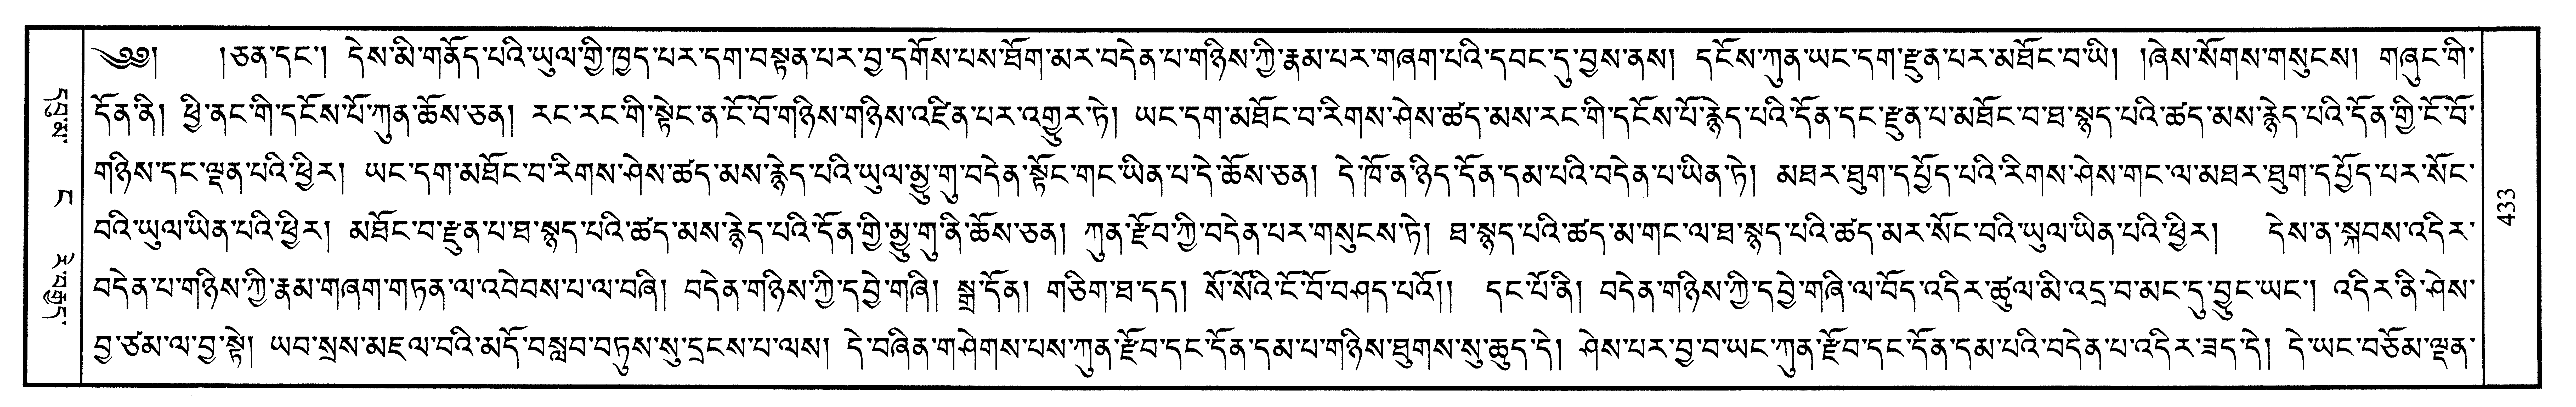༄༅། །ཅན་དང་། དེས་མི་གནོད་པའི་ཡུལ་གྱི་ཁྱད་པར་དག་བསྟན་པར་བྱ་དགོས་པས་ཐོག་མར་བདེན་པ་གཉིས་ཀྱི་རྣམ་པར་གཞག་པའི་དབང་དུ་བྱས་ནས། དངོས་ཀུན་ཡང་དག་རྫུན་པར་མཐོང་བ་ཡི། །ཞེས་སོགས་གསུངས། གཞུང་གི་
དོན་ནི། ཕྱི་ནང་གི་དངོས་པོ་ཀུན་ཆོས་ཅན། རང་རང་གི་སྟེང་ན་ངོ་བོ་གཉིས་གཉིས་འཛིན་པར་འགྱུར་ཏེ། ཡང་དག་མཐོང་བ་རིགས་ཤེས་ཚད་མས་རང་གི་དངོས་པོ་རྙེད་པའི་དོན་དང་རྫུན་པ་མཐོང་བ་ཐ་སྙད་པའི་ཚད་མས་རྙེད་པའི་དོན་གྱི་ངོ་བོ་
གཉིས་དང་ལྡན་པའི་ཕྱིར། ཡང་དག་མཐོང་བ་རིགས་ཤེས་ཚད་མས་རྙེད་པའི་ཡུལ་མྱུ་གུ་བདེན་སྟོང་གང་ཡིན་པ་དེ་ཆོས་ཅན། དེ་ཁོ་ན་ཉིད་དོན་དམ་པའི་བདེན་པ་ཡིན་ཏེ། མཐར་ཐུག་དཔྱོད་པའི་རིགས་ཤེས་གང་ལ་མཐར་ཐུག་དཔྱོད་པར་སོང་
བའི་ཡུལ་ཡིན་པའི་ཕྱིར། མཐོང་བ་རྫུན་པ་ཐ་སྙད་པའི་ཚད་མས་རྙེད་པའི་དོན་གྱི་མྱུ་གུ་ནི་ཆོས་ཅན། ཀུན་རྫོབ་ཀྱི་བདེན་པར་གསུངས་ཏེ། ཐ་སྙད་པའི་ཚད་མ་གང་ལ་ཐ་སྙད་པའི་ཚད་མར་སོང་བའི་ཡུལ་ཡིན་པའི་ཕྱིར། དེས་ན་སྐབས་འདིར་
བདེན་པ་གཉིས་ཀྱི་རྣམ་གཞག་གཏན་ལ་འབེབས་པ་ལ་བཞི། བདེན་གཉིས་ཀྱི་དབྱེ་གཞི། སྒྲ་དོན། གཅིག་ཐ་དད། སོ་སོའི་ངོ་བོ་བཤད་པའོ།། དང་པོ་ནི། བདེན་གཉིས་ཀྱི་དབྱེ་གཞི་ལ་བོད་འདིར་ཚུལ་མི་འདྲ་བ་མང་དུ་བྱུང་ཡང་། འདིར་ནི་ཤེས་
བྱ་ཙམ་ལ་བྱ་སྟེ། ཡབ་སྲས་མཇལ་བའི་མདོ་བསླབ་བཏུས་སུ་དྲངས་པ་ལས། དེ་བཞིན་གཤེགས་པས་ཀུན་རྫོབ་དང་དོན་དམ་པ་གཉིས་ཐུགས་སུ་ཆུད་དེ། ཤེས་པར་བྱ་བ་ཡང་ཀུན་རྫོབ་དང་དོན་དམ་པའི་བདེན་པ་འདིར་ཟད་དེ། དེ་ཡང་བཅོམ་ལྡན་